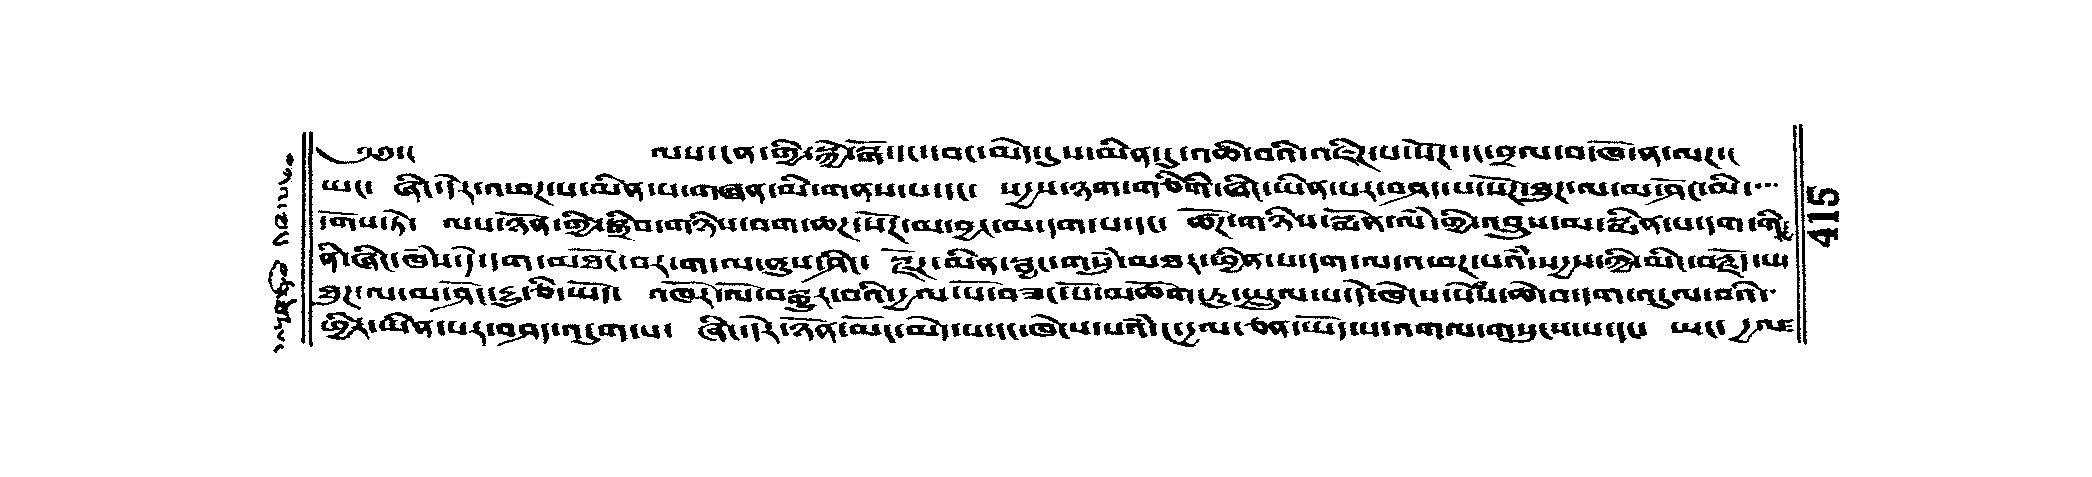ལས་ངན་གྱི་སྐྱེ་སྒོ་དང་དབང་མེད་དུས་མིན་དུ་འཆི་བའི་འཇིགས་པ་སོགས་དང་བྲལ་བ་ཁོ་ན་ལགས། 
ཡང་། ཞིང་དེར་འཕགས་པ་མིན་པ་གཞན་མི་གནས་པ་དང་། སངས་རྒྱས་ཉག་གཅིག་གི་ཞིང་ཡིན་པར་བཤད་པ་སོགས་ཐུགས་ལ་མ་ཤོང་མི་
དགོས་ཏེ། ལས་ཉོན་གྱི་སྒྲིབ་གཉིས་བག་ཆགས་སོགས་མ་བྱང་མ་དག་པ་དང་། ཚོགས་གཉིས་སྨོན་ལམ་གྱི་འབྲས་བུ་མ་སྨིན་པ་དག་གིས་
ནི་ཞིང་ཁམས་དེ་དག་མཐོང་བར་ག་ལ་ནུས་ཤིང་། རྫོགས་མིན་སྦྱང་གསུམ་མཐར་ཕྱིན་པ་དག་ལ་འཕགས་པའམ་སངས་རྒྱས་ཀྱི་མིང་བརྗོད་པ་
ཐུགས་ལ་མ་ཤོང་རྒྱུ་ཅི་ཡོད། འཁོར་ལོས་བསྒྱུར་བའི་རྒྱལ་པོ་བཟང་པོ་མཆོག་ཏུ་སྤྲུལ་པ་དེ་ཁེངས་སེམས་ཆེ་བ་དག་འདུལ་བའི་
ཕྱིར་ཡིན་པར་བཤད་འདུག་པ། ཞིང་དེར་ཉོན་མོང་མེད་པ་དང་ཁེངས་པའམ་ང་རྒྱལ་ཅན་ཡོད་པ་འགལ་གསུངས་པ་དང་། ཡང་། རྒྱལ་